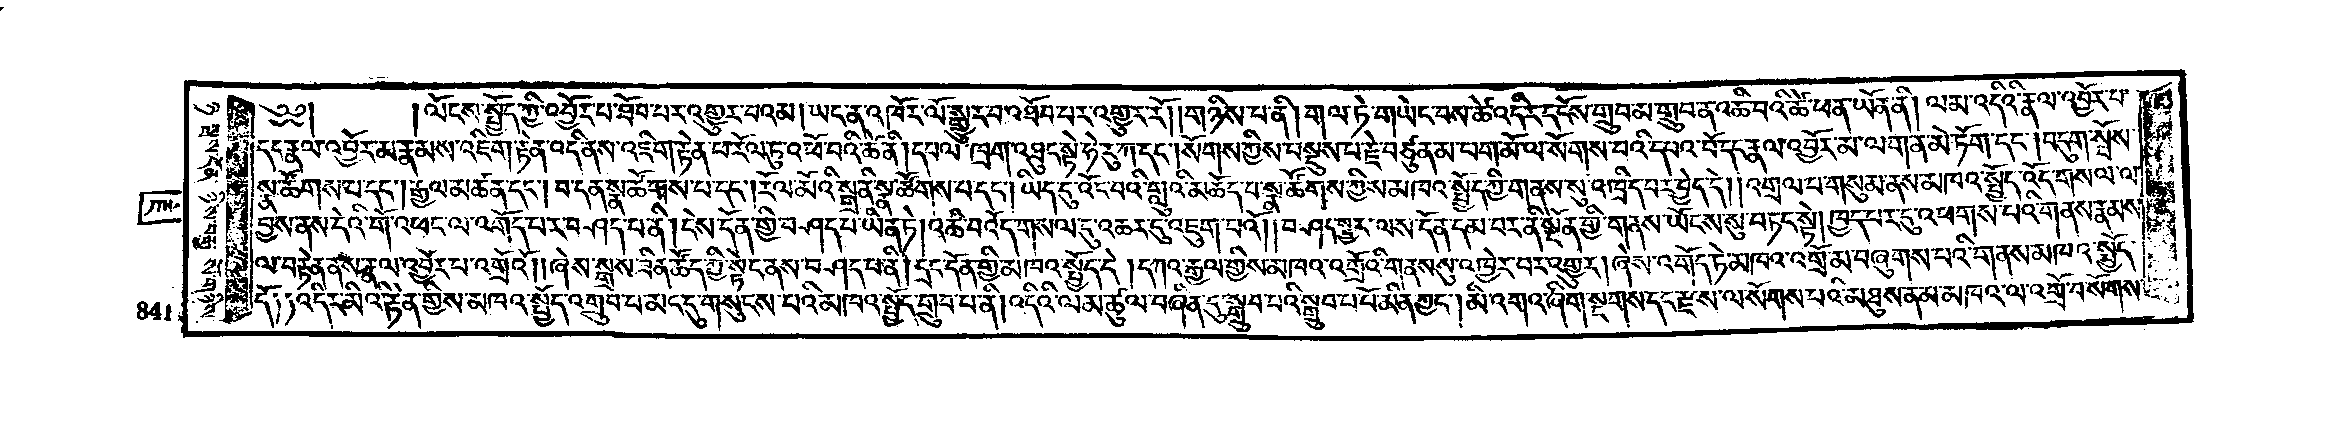༄༅། །ལོངས་སྤྱོད་ཀྱི་འབྱོར་པ་ཐོབ་པར་འགྱུར་བའམ། ཡང་ན་འཁོར་ལོ་སྒྱུར་བ་འཐོབ་པར་འགྱུར་རོ། །གཉིས་པ་ནི། གལ་ཏེ་གཡེང་བས་ཚེ་འདིར་དངོས་གྲུབ་མ་གྲུབ་ན་འཆི་བའི་ཚེ་ཕན་ཡོན་ནི། ལམ་འདིའི་རྣལ་འབྱོར་པ་
དང་རྣལ་འབྱོར་མ་རྣམས་འཇིག་རྟེན་འདི་ནས་འཇིག་རྟེན་ཕ་རོལ་ཏུ་འཕོ་བའི་ཚེ་ནི། དཔལ་ཁྲག་འཐུང་སྟེ་ཧེ་རུ་ཀ་དང་། སོགས་ཀྱིས་བསྡུས་པ་རྗེ་བཙུན་མ་ཕག་མོ་ལ་སོགས་པའི་དཔའ་བོ་དང་རྣལ་འབྱོར་མ་ལག་ན་མེ་ཏོག་དང་། བདུག་སྤོས་
སྣ་ཚོགས་པ་དང་། རྒྱལ་མཚན་དང་། བ་དན་སྣ་ཚོགས་པ་དང་། རོལ་མོའི་སྒྲ་ནི་སྣ་ཚོགས་པ་དང་། ཡིད་དུ་འོང་བའི་གླུའི་མཆོད་པ་སྣ་ཚོགས་ཀྱིས་མཁའ་སྤྱོད་ཀྱི་གནས་སུ་འཁྲིད་པར་བྱེད་དེ། །འགྲེལ་པ་གསུམ་ནས་མཁའ་སྤྱོད་འོད་གསལ་ལ་
བྱས་ནས་དེའི་གོ་འཕང་ལ་འགོད་པར་བཤད་པ་ནི། ངེས་དོན་གྱི་བཤད་པ་ཡིན་ཏེ། འཆི་བ་འོད་གསལ་དུ་འཆར་དུ་འཇུག་པའོ། །བཤད་སྦྱར་ལས་དོན་དམ་པར་ནི་སྔོན་གྱི་གནས་ཡོངས་སུ་བཏང་སྟེ། ཁྱད་པར་དུ་འཕགས་པའི་གནས་རྣམས་
ལ་བརྟེན་ནས་རྣལ་འབྱོར་པ་འགྲོའོ། །ཞེས་སྒྲས་ཟིན་ཚོད་ཀྱི་སྟེང་ནས་བཤད་པ་ནི། དྲང་དོན་གྱི་མཁའ་སྤྱོད་དེ། དཀའ་རྒྱལ་གྱིས་མཁའ་འགྲོའི་གནས་སུ་འཁྱེར་བར་འགྱུར། ཞེས་འགོད་ཏེ་མཁའ་འགྲོ་མ་བཞུགས་པའི་གནས་མཁའ་སྤྱོད་
དོ། །འདིར་མིའི་རྟེན་གྱིས་མཁའ་སྤྱོད་འགྲུབ་པ་མང་དུ་གསུངས་པའི་མཁའ་སྤྱོད་གྲུབ་པ་ནི། འདིའི་ལམ་ཚུལ་བཞིན་དུ་སྒྲུབ་པའི་སྒྲུབ་པ་པོ་མིན་ཀྱང་། མི་འགའ་ཞིག་སྔགས་དང་རྫས་ལ་སོགས་པའི་མཐུས་ནམ་མཁའ་ལ་འགྲོ་བ་སོགས་